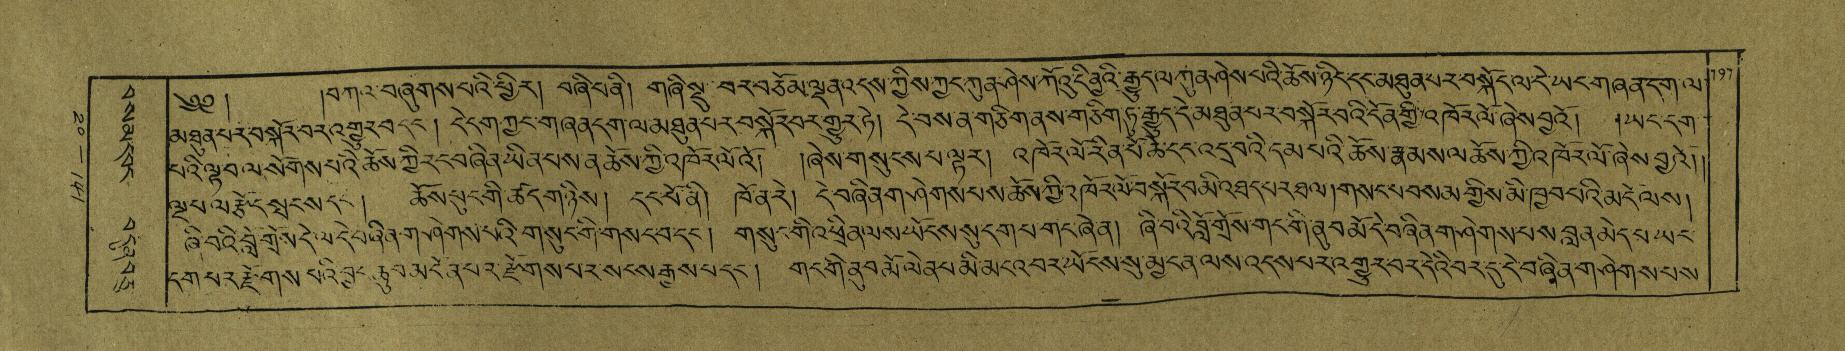༄༅། །བཀའ་བཞུགས་པའི་ཕྱིར། བཞི་པ་ནི། གཞི་སྡུ་བར་བཅོམ་ལྡན་འདས་ཀྱིས་ཀྱང་ཀུན་ཤེས་ཀོའུ་དིནྱའི་རྒྱུད་ལ་ཀུན་ཤེས་པའི་ཆོས་ཉིད་དང་མཐུན་པར་བསྐོད་ལ་དེ་ཡང་གཞན་དག་ལ་
མཐུན་པར་བསྐོར་བར་འགྱུར་བ་དང་། དེ་དག་ཀྱང་གཞན་དག་ལ་མཐུན་པར་བསྐོར་བར་གྱུར་ཏེ། དེ་བས་ན་གཅིག་ནས་གཅིག་ཏུ་རྒྱུད་དེ་མཐུན་པར་བསྐོར་བའི་དོན་གྱི་འཁོར་ལོ་ཞེས་བྱའོ། །ཡང་དག་
པའི་ལྟ་བ་ལ་སོགས་པའི་ཆོས་ཀྱི་རང་བཞིན་ཡིན་པས་ན་ཆོས་ཀྱི་འཁོར་ལོའོ། །ཞེས་གསུངས་པ་ལྟར། འཁོར་ལོ་རིན་པོ་ཆེ་དང་འདྲ་བའི་དམ་པའི་ཆོས་རྣམས་ལ་ཆོས་ཀྱི་འཁོར་ལོ་ཞེས་བྱའོ།།
ལྔ་པ་ལ་རྩོད་སྤངས་དང་། ཆོས་ཕུང་གི་ཚད་གཉིས། དང་པོ་ནི། ཁོ་ན་རེ། དེ་བཞིན་གཤེགས་པས་ཆོས་ཀྱི་འཁོར་ལོ་བསྐོར་བ་མི་འཐད་པར་ཐལ། གསང་པ་བསམ་གྱིས་མི་ཁྱབ་པའི་མདོ་ལས།
ཞི་བའི་བློ་གྲོས་དེ་ལ་དེ་བཞིན་གཤེགས་པའི་གསུང་གི་གསང་བ་དང་། གསུང་གི་འཕྲིན་ལས་ཡོངས་སུ་དག་པ་གང་ཞེ་ན། ཞི་བའི་བློ་གྲོས་གང་གི་ནུབ་མོ་དེ་བཞིན་གཤེགས་པས་བླ་ན་མེད་པ་ཡང་
དག་པར་རྫོགས་པའི་བྱང་ཆུབ་མངོན་པར་རྫོགས་པར་སངས་རྒྱས་པ་དང་། གང་གི་ནུབ་མོ་ལེན་པ་མི་མངའ་བར་ཡོངས་སུ་མྱ་ངན་ལས་འདས་པར་འགྱུར་བར་དེའི་བར་དུ་དེ་བཞིན་གཤེགས་པས་